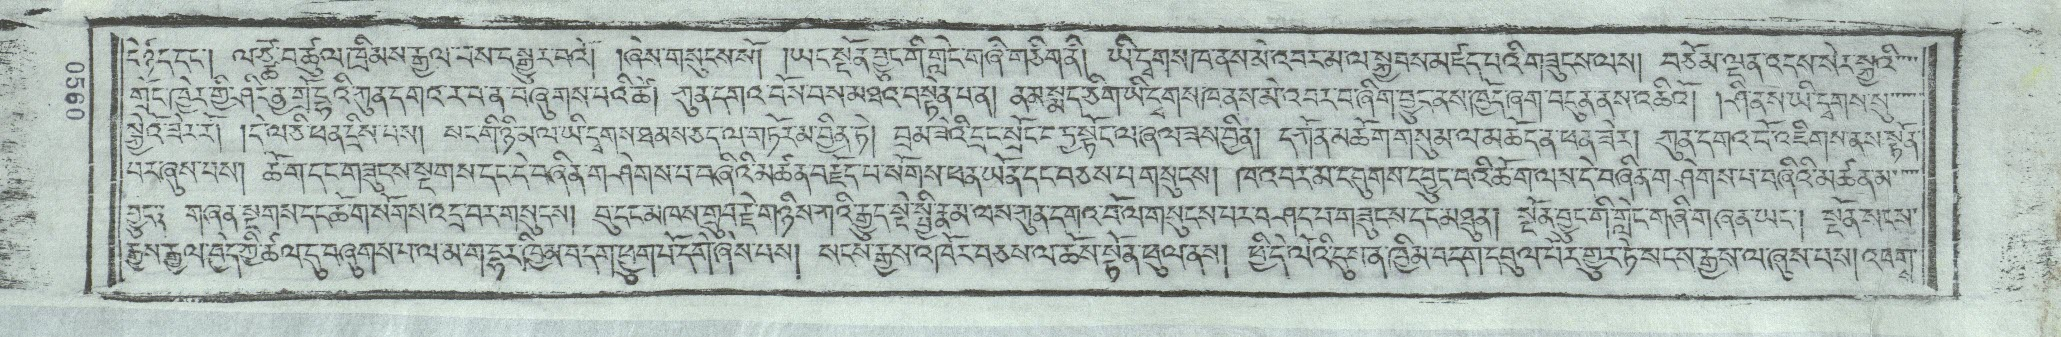དེ་ཉིད་དང་། ལོ་ཙྪ་བ་ཚུལ་ཁྲིམས་རྒྱལ་བས་བསྒྱུར་བའི། །ཞེས་གསུངས་སོ། །ཡང་སྔོན་བྱུང་གི་གླེང་གཞི་གཅིག་ནི། ཡི་དྭགས་ཁ་ནས་མེ་འབར་མ་ལ་སྐྱབས་མཛད་པའི་གཟུངས་ལས། བཅོམ་ལྡན་འདས་སེར་སྐྱའི་
གྲོང་ཁྱེར་གྱི་ཤིང་ནྱ་གྲོ་དྷའི་ཀུན་དགའ་རབ་ན་བཞུགས་པའི་ཚེ། ཀུན་དགའ་བོས་བས་མཐའ་བསྟེན་པ་ན། ནམ་སྨད་ཅིག་ཡི་དྭགས་ཁ་ནས་མེ་འབར་བ་ཞིག་བྱུང་ནས་ཁྱོད་ཞག་བདུན་ནས་འཆིའོ། །ཤི་ནས་ཡི་དྭགས་སུ་
སྐྱེའོ་ཟེར་རོ། །དེ་ལ་ཅི་ཕན་དྲིས་པས། སང་གི་ཉི་མ་ལ་ཡི་དྭགས་ཐམས་ཅད་ལ་གཏོར་མ་བྱིན་ཏེ། བྲམ་ཟེའི་དྲང་སྲོང་བ་དྱ་སྟོང་ལ་ཞལ་ཟས་བྱིན། དཀོན་མཆོག་གསུམ་ལ་མཆོད་ན་ཕན་ཟེར། ཀུན་དགའ་བོ་འཇིགས་ནས་སྟོན་
པར་ཞུས་པས། ཆོག་དང་གཟུངས་སྔགས་དང་དེ་བཞིན་གཤེགས་པ་བཞིའི་མཚན་བརྗོད་པ་སོགས་ཕན་ཡོན་དང་བཅས་པ་གསུངས། ཁ་འབར་མ་དབུགས་དབྱུང་བའི་ཆོག་ལས་དེ་བཞིན་གཤེགས་པ་བཞིའི་མཚན་མ་
བྱུང༑ གཞན་སྔགས་དང་ཆོག་སོགས་འདྲ་བར་གསུངས། བུ་དང་མཁས་གྲུབ་རྗེ་གཉིས་ཀའི་རྒྱུད་སྡེ་སྤྱི་རྣམ་ལས་ཀུན་དགའ་བོ་ལ་གསུངས་པར་བཤད་པ་གཟུངས་དང་མཐུན། སྔོན་བྱུང་གི་གླེང་གཞི་གཞན་ཡང་། སྔོན་སངས་
རྒྱས་རྒྱལ་བྱེད་ཀྱི་ཚལ་དུ་བཞུགས་པ་ལ་མ་ག་དྷར་ཁྱིམ་བདག་ཕྱུག་པོ་དགེ་ཞེས་པས། སངས་རྒྱས་འཁོར་བཅས་ལ་ཆོས་སྟོན་ཕུལ་ནས། ཕྱི་དེ་ལོའི་དུ་པ་ན་ཁྱིམ་བདག་དབུལ་པོར་གྱུར་ཏེ་སངས་རྒྱས་ལ་ཞུས་པས། འཕགས་